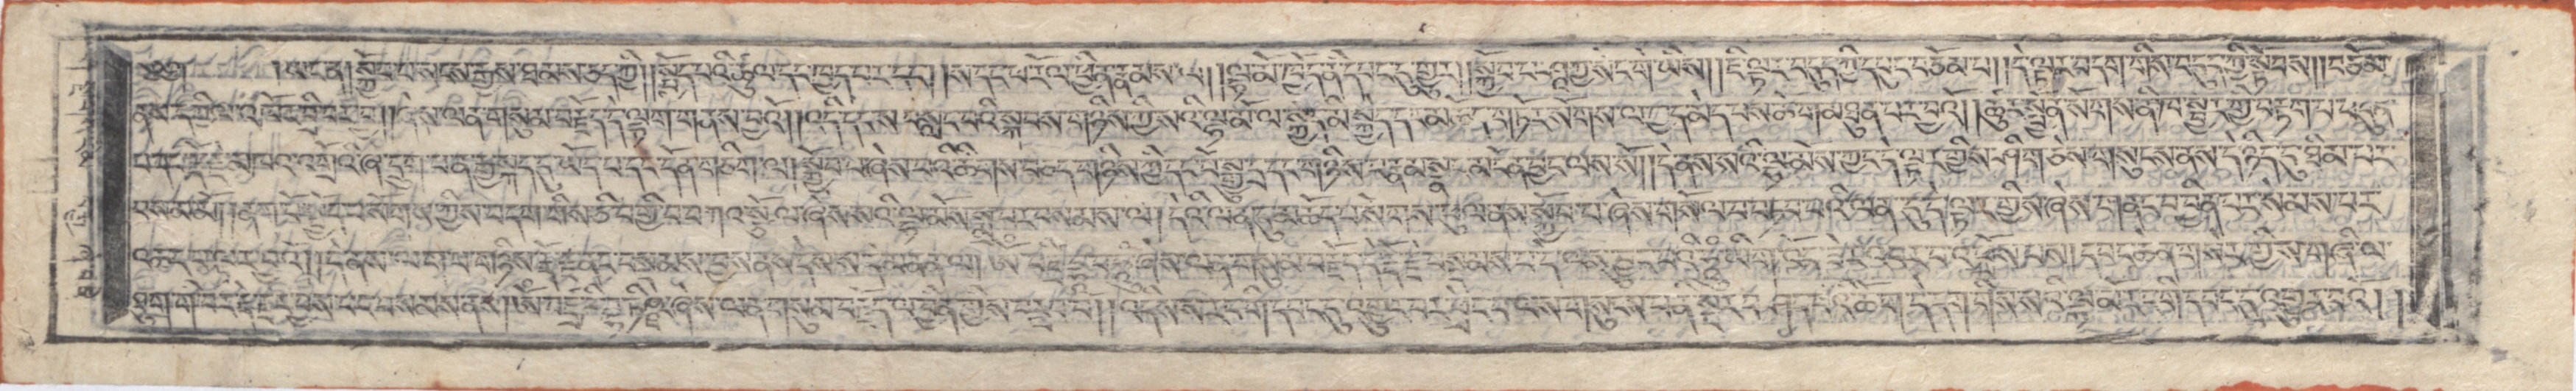༄༅། །ཡང་ན། སྐྱོབ་པ་སངས་རྒྱས་ཐམས་ཅད་ཀྱི། །སྤྱོད་པའི་ཚུལ་དང་ཁྱད་པར་དང་། །ས་དང་ཕ་རོལ་ཕྱིན་རྣམས་ལ། །ལྷ་མོ་ཁྱོད་ནི་དབང་དུ་གྱུར། །སྐྱོབ་པ་ཤཱཀྱ་སེང་གེ་ཡིས། །ཇི་ལྟར་བདུད་ཀྱི་དཔུང་བཅོམ་པ། །དེ་ལྟར་བདག་གིས་བདུད་ཀྱི་སྟོབས། །བཅོམ་
ནས་དཀྱིལ་འཁོར་བྲི་བར་བྱ། །ཞེས་ལན་གསུམ་བརྗོད་དེ་ལྷག་གནས་བྱའོ། །འདི་དང་ས་བསླང་བའི་སྐབས་གཉིས་ཀྱི་སའི་ལྷ་མོ་ལ་སྐྱེད་མི་སྐྱེད་དང་མཆོད་གཏོར་སོགས་ལ་ཁྱད་མེད་པས་ཆོ་ག་མཐུན་པར་བྱའོ། །ཚུར་སྤྱོན་སོགས་ནི་ཁ་སྦྱར་གྱི་བརྟག་པ་བདུན་
པ་དང་རྡོ་རྗེ་མཁའ་འགྲོའི་ཞེ་དྲུག་པ་ན་རྒྱ་སྐད་དུ་ཡོད་པ་དང་དོན་གཅིག་ལ། སྐྱོབ་པ་ཞེས་པའི་ཚིགས་བཅད་གཉིས་ཀྱི་དང་པོ་སྒྱུ་དྲ་དང་གཉིས་པ་རྣམ་སྣང་མངོན་བྱང་ལས་སོ། །དེ་ནས་སའི་ལྷ་མོས་ཀྱང་དེ་ལྟར་གྱིས་ཤིག་ཅེས་གསུངས་ནས་དེ་ཉིད་དུ་ཐིམ་པར་
བསམ་མོ། །ནག་པོ་སྤྱོད་པ་སོགས་ཀྱིས་བདག་གིས་ཅི་བགྱི་བ་བཀའ་སྩོལ་ཞེས་སའི་ལྷ་མོས་སྨྲ་བར་བསམས་ལ། དེའི་ལན་དུ་མཆོད་པ་སོགས་ཕུལ་ནས་སྐྱོབ་པ་ཞེས་གསོལ་བ་བཏབ་པའི་ལན་དུ་དེ་ལྟར་གྱིས་ཞེས་གནང་བ་བྱིན་པར་སེམས་པར་
འཆད་པ་ལྟར་བྱའོ། །དེ་ནས་ལག་པ་གཉིས་རྡོ་རྗེ་ནང་བསྡམས་བྱས་ནས་དེས་ས་དེ་མནན་ལ། ཨོཾ་བཛྲི་བྷཱ་བ་ཧཱུཾ་ཞེས་ལན་གསུམ་བརྗོད་དེ་རྡོ་རྗེ་བསྡམས་པ་དེ་ལས་བྱུང་བའི་ཧཱུཾ་ཡིག་འོད་ཟེར་འབར་བ་འཕྲོས་པས། དབང་ཆེན་གསེར་གྱི་ས་གཞི་ལ་
ཐུག་གི་བར་རྡོ་རྗེར་བྱས་པར་བསམས་ནས། ཨོཾ་བཛྲ་ཌི་ཌྷ་ཏིཥཊཿཨ་ཞེས་ལན་གསུམ་བརྗོད་ལ་བྱིན་གྱིས་བརླབ་པོ། །འདིས་ས་རང་གི་དབང་དུ་འགྱུར་བར་ཕྲེང་བ་ལས་གསུངས་པ་ནི་སྔར་བཤད་པའི་ཆོ་ག་དེ་དག་གིས་སའི་ལྷ་མོ་རང་གི་དབང་དུ་འགྱུར་བའོ། །